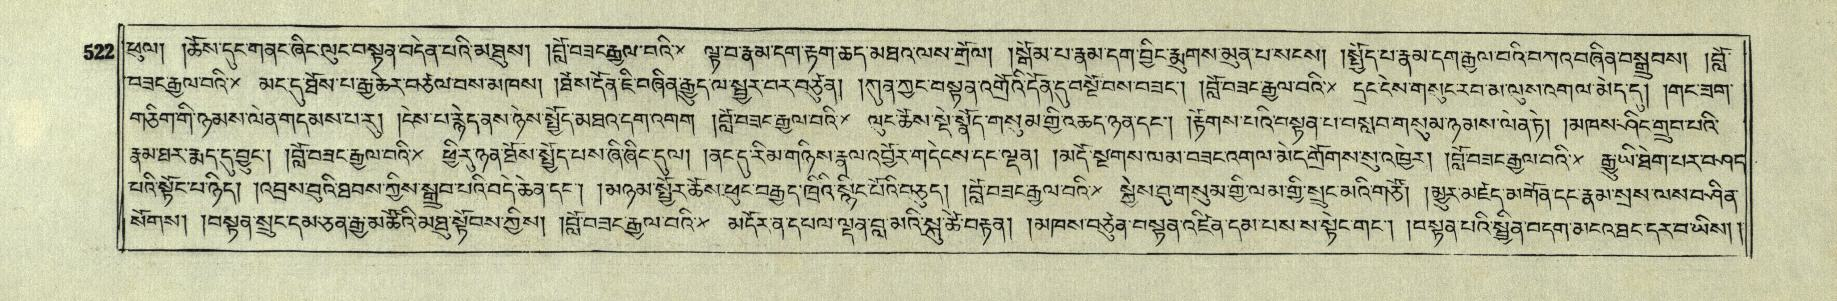ཕུལ། །ཆོས་དུང་གནང་ཞིང་ལུང་བསྟན་བདེན་པའི་མཐུས། །བློ་བཟང་རྒྱལ་བའི་྾་ལྟ་བ་རྣམ་དག་རྟག་ཆད་མཐའ་ལས་གྲོལ། །སྒོམ་པ་རྣམ་དག་བྱིང་རྨུགས་མུན་པས་སངས། །སྤྱོད་པ་རྣམ་དག་རྒྱལ་བའི་བཀའ་བཞིན་བསྒྲུབས། །བློ་
བཟང་རྒྱལ་བའི་྾་མང་དུ་ཐོས་པ་རྒྱ་ཆེར་བཙལ་བས་མཁས། །ཐོས་དོན་ཇི་བཞིན་རྒྱུད་ལ་སྦྱར་བར་བཙུན། །ཀུན་ཀྱང་བསྟན་འགྲོའི་དོན་དུ་བསྔོ་བས་བཟང་། །བློ་བཟང་རྒྱལ་བའི་྾་དྲང་ངེས་གསུང་རབ་མ་ལུས་འགལ་མེད་དུ། །གང་ཟག་
གཅིག་གི་ཉམས་ལེན་གདམས་པ་རུ། །ངེས་པ་རྙེད་ནས་ཉེས་སྤྱོད་མཐའ་དག་འགག །བློ་བཟང་རྒྱལ་བའི་྾་ལུང་ཆོས་སྡེ་སྣོད་གསུམ་གྱི་འཆད་ཉན་དང་། །རྟོགས་པའི་བསྟན་པ་བསླབ་གསུམ་ཉམས་ལེན་ཏེ། །མཁས་ཤིང་གྲུབ་པའི་
རྣམ་ཐར་རྨད་དུ་བྱུང་། །བློ་བཟང་རྒྱལ་བའི་྾་ཕྱི་རུ་ཉན་ཐོས་སྤྱོད་པས་ཞི་ཞིང་དུལ། །ནང་དུ་རིམ་གཉིས་རྣལ་འབྱོར་གདེངས་དང་ལྡན། །མདོ་སྔགས་ལམ་བཟང་འགལ་མེད་གྲོགས་སུ་འཁྱེར། །བློ་བཟང་རྒྱལ་བའི་྾་རྒྱུ་ཡི་ཐེག་པར་བཤད་
པའི་སྟོང་པ་ཉིད། །འབྲས་བུའི་ཐབས་ཀྱིས་སྒྲུབ་པའི་བདེ་ཆེན་དང་། །མཉམ་སྤྱོར་ཆོས་ཕུང་བརྒྱད་ཁྲིའི་སྙིང་པོའི་བཅུད། །བློ་བཟང་རྒྱལ་བའི་྾་སྐྱེས་བུ་གསུམ་གྱི་ལམ་གྱི་སྲུང་མའི་གཙོ། །མྱུར་མཛད་མགོན་དང་རྣམ་སྲས་ལས་བཤིན་
སོགས། །བསྟན་སྲུང་དམ་ཅན་རྒྱ་མཚོའི་མཐུ་སྟོབས་ཀྱིས། །བློ་བཟང་རྒྱལ་བའི་྾་མདོར་ན་དཔལ་ལྡན་བླ་མའི་སྐུ་ཚེ་བརྟན། །མཁས་བཙུན་བསྟན་འཛིན་དམ་པས་ས་སྟེང་གང་། །བསྟན་པའི་སྦྱིན་བདག་མངའ་ཐང་དར་བ་ཡིས། །